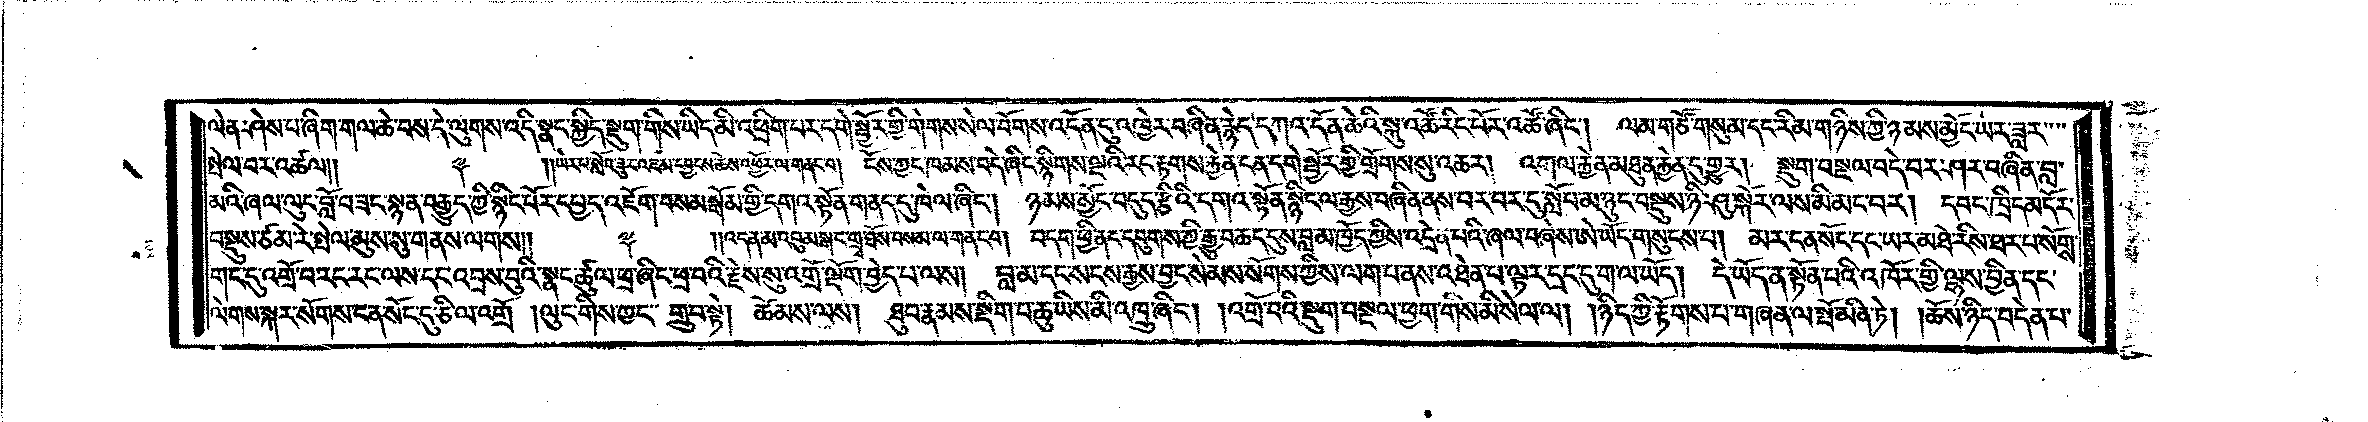ལེན་ཤེས་པ་ཞིག་གལ་ཆེ་བས་དེ་ལུགས་འདི་སྣང་སྐྱིད་སྡུག་གིས་ཡིད་མི་འཕྲིག་པར་དགེ་སྦྱོར་གྱི་གེགས་སེལ་བོགས་འདོན་དུ་འཁྱེར་བཞིན་རྙེད་དཀའ་དོན་ཆེའི་སྐུ་འཚོ་རིང་པོར་འཚོ་ཞིང་། ལམ་གཙོ་གསུམ་དང་རིམ་གཉིས་ཀྱི་ཉམས་མྱོང་ཡར་ཟླར་
སྤེལ་བར་འཚལ།། ༈ །།ཡེར་པ་སློབ་ཟུར་འཇམ་དབྱངས་ཆེས་འཕྱོར་ལ་གནང་བ།  ངོས་ཀྱང་ཁམས་བདེ་ཞིང་སྙིགས་ལྔའི་རང་རྟགས་རྐྱེན་ངན་དགེ་སྦྱོར་གྱི་གྲོགས་སུ་འཆར། འགལ་རྐྱེན་མཐུན་རྐྱེན་དུ་གྱུར། སྡུག་བསྔལ་བདེ་བར་ཤར་བཞིན་བླ་
མའི་ཞལ་ལུང་བློ་བཟང་སྙན་བརྒྱུད་ཀྱི་སྙིང་པོར་དཔྱད་འཇོག་བསམ་སྒོམ་གྱི་དགའ་སྟོན་གནད་དུ་ཁེལ་ཞིང་། ཉམས་མྱོང་བདུད་རྩིའི་དགའ་སྟོན་སྙིང་ལ་རྒྱས་བཞིན་ནས་བར་བར་དུ་སློབ་མ་ཉུང་བསྡུས་ཉི་ཤུ་སྐོར་ལས་མི་མང་བར། དབང་ཁྲིད་མདོར་
བསྡུས་ཙམ་རེ་སྤེལ་མུས་སུ་གནས་ལགས།། ༈ །།འདན་མ་འབུམ་སྒང་གྲྭ་ཐོས་བསམ་ལ་གནང་བ།  བདག་ཕྱི་ནང་དབུགས་ཀྱི་རྒྱུ་བ་ཆད་དུས་བླ་མ་ཁྱོད་ཀྱིས་འདྲེན་པའི་ཞལ་བཞེས་ཨེ་ཡོད་གསུངས་པ། མར་ངན་སོང་དང་ཡར་མཐེ་རིས་ཐར་པ་སོགས་
གང་དུ་འགྲོ་བ་རང་རང་ལས་དང་འབྲས་བུའི་སྣང་ཚུལ་ཕྲ་ཞིང་ཕྲ་བའི་རྗེས་སུ་འགྲོ་ལྡོག་བྱེད་པ་ལས། བླ་མ་དང་སངས་རྒྱས་བྱང་ཆུབ་སེམས་སོགས་ཀྱིས་ལག་པ་ནས་འཐེན་པ་ལྟར་དྲང་དུ་ག་ལ་ཡོད། དེ་ཡོད་ན་སྟོན་པའི་འཁོར་གྱི་ལྷས་བྱིན་དང་
ལེགས་སྐར་སོགས་ངན་སོང་དུ་ཅི་ལ་འགྲོ་།ལུང་གིས་ཀྱང་གྲུབ་སྟེ། ཚེམས་ལས། ཐུབ་རྣམས་སྡིག་པ་ཆུ་ཡིས་མི་འཁྲུ་ཞིང་། །འགྲོ་བའི་སྡུག་བསྔལ་ཕྱག་གིས་མི་སེལ་ལ། །ཉིད་ཀྱི་རྟོགས་པ་གཞན་ལ་སྤོ་མིན་ཏེ། །ཆོས་ཉིད་བདེན་པ་